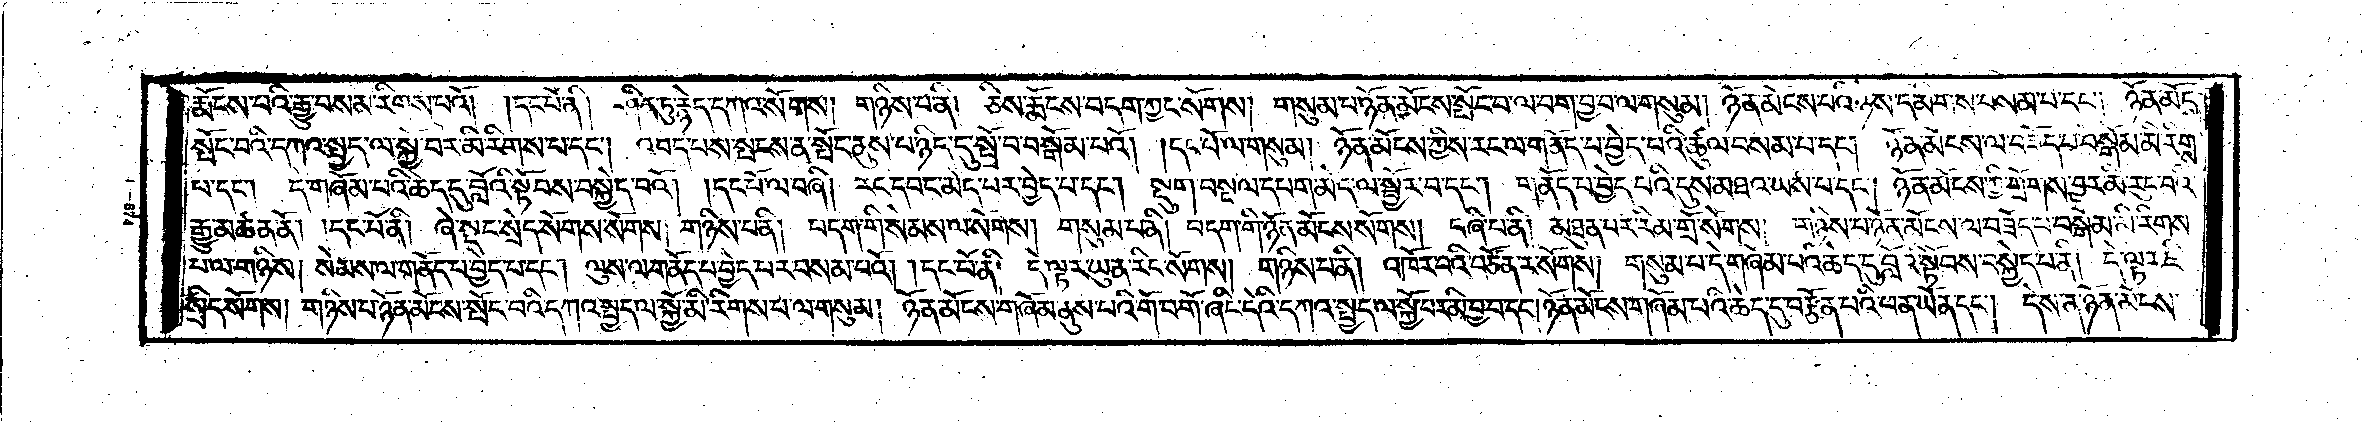རྨོངས་པའི་རྒྱུ་བསམ་རིགས་པའོ། །དང་པོ་ནི། ཤིན་ཏུ་རྙེད་དཀའ་སོགས། གཉིས་པ་ནི། ཅིས་རྨོངས་བདག་ཀྱང་སོགས། གསུམ་པ་ཉོན་མོངས་སྤོང་བ་ལ་བག་བྱ་བ་ལ་གསུམ། ཉོན་མོངས་པའི་ཉས་དམིགས་བསམ་པ་དང་། ཉོན་མོང་
སྤོང་བའི་དཀའ་སྤྱད་ལ་སྐྱོ་བར་མི་རིགས་པ་དང་། འབད་པས་སྤངས་ན་སྤོང་ནུས་པ་ཉིད་དུ་སྤྲོ་བ་བསྒོམ་པའོ། །དང་པོ་ལ་གསུམ། ཉོན་མོངས་ཀྱིས་རང་ལ་གནོད་པ་བྱེད་པའི་ཚུལ་བསམ་པ་དང་། ཉོན་མོངས་ལ་བཟོད་པ་བསྒོམ་མི་རིགས་
པ་དང་། དེ་གཞོམ་པའི་ཆེད་དུ་བློའི་སྟོབས་བསྐྱེད་པའོ། །དང་པོ་ལ་བཞི། རང་དབང་མེད་པར་བྱེད་པ་དང་། སྡུག་བསྔལ་དཔག་མེད་ལ་སྦྱོར་བ་དང་། གནོད་པ་བྱེད་པའི་དུས་མཐའ་ཡས་པ་དང་། ཉོན་མོངས་ཀྱི་གྲོགས་བྱར་མི་རུང་བའི་
རྒྱུ་མཚན་ནོ། །དང་པོ་ནི། ཞེ་སྡང་སྲེད་སོགས་སོགས། གཉིས་པ་ནི། བདག་གི་སེམས་ལ་སོགས། གསུམ་པ་ནི། བདག་གི་ཉོན་མོངས་སོགས། བཞི་པ་ནི། མཐུན་པར་རིམ་གྲོ་སོགས། གཉིས་པ་ཉོན་མོངས་ལ་བཟོད་པ་བསྒོམ་མི་རིགས་
པ་ལ་གཉིས། སེམས་ལ་གནོད་པ་བྱེད་པ་དང་། ལུས་ལ་གནོད་པ་བྱེད་པར་བསམ་པའོ། །དང་པོ་ནི། དེ་ལྟར་ཡུན་རིང་སོགས། གཉིས་པ་ནི། འཁོར་བའི་བཙོན་ར་སོགས། གསུམ་པ་དེ་གཞོམ་པའི་ཆེད་དུ་བློའི་སྟོབས་བསྐྱེད་པ་ནི། དེ་ལྟར་ཇི་
སྲིད་སོགས། གཉིས་པ་ཉོན་མོངས་སྤོང་བའི་དཀའ་སྤྱད་ལ་སྐྱོ་མི་རིགས་པ་ལ་གསུམ། ཉོན་མོངས་གཞོམ་ནུས་པའི་གོ་བགོ་ཞིང་དེའི་དཀའ་སྤྱད་ལ་སྐྱོ་བར་མི་བྱ་བ་དང་། ཉོན་མོངས་གཞོམ་པའི་ཆེད་དུ་བརྩོན་པའི་ཕན་ཡོན་དང་། དེས་ན་ཉོན་མོངས་